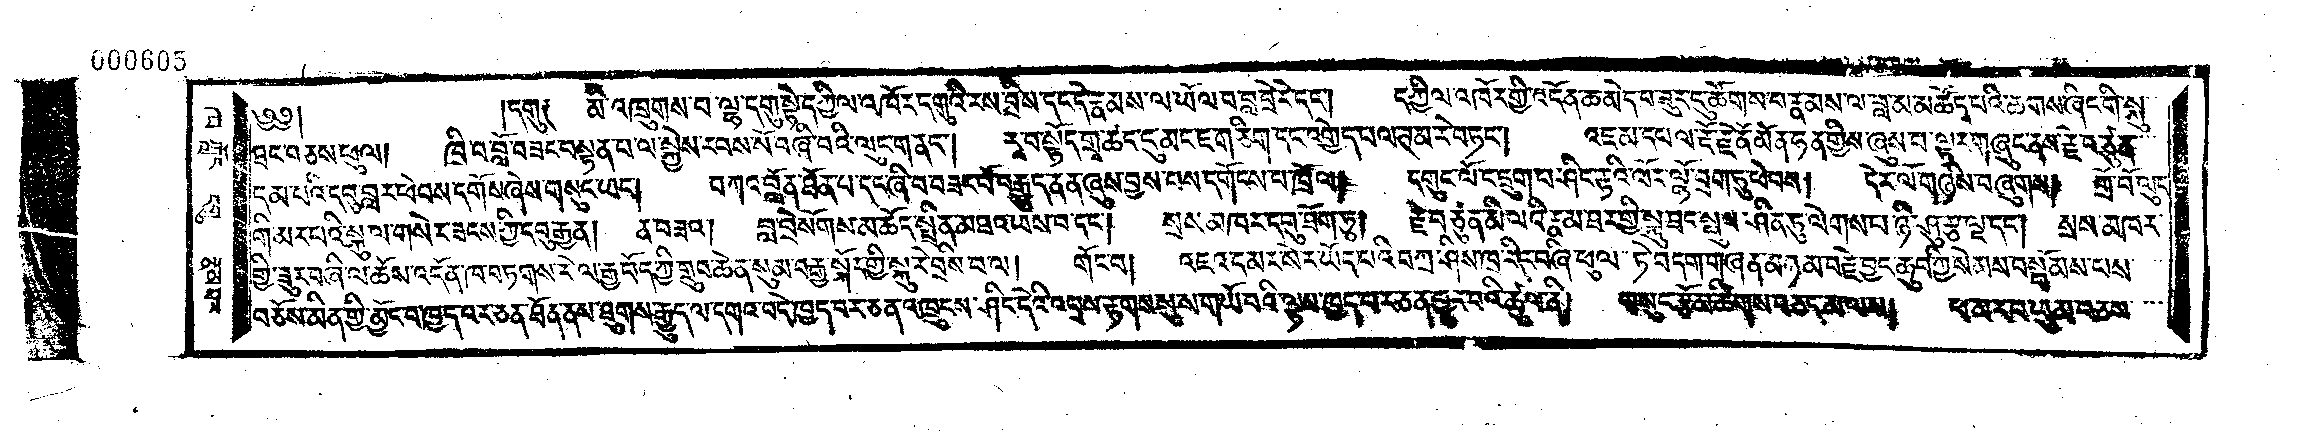༄༅། །དགུ༑ མི་འཁྲུགས་པ་ལྷ་དགུ་སྟེ་དཀྱིལ་འཁོར་དགུའི་རས་བྲིས་དང་དེ་རྣམས་ལ་ཡོལ་བ་བླ་བྲེ་རེ་དང་། དཀྱིལ་འཁོར་གྱི་འདོན་ཆ་མེད་པ་ཟུར་དུ་ཚོགས་པ་རྣམས་ལ་བླ་མ་མཆོད་པའི་ཚོགས་ཞིང་གི་སྐུ་
ཐང་བཅས་ཕུལ། ཁྲི་པ་བློ་བཟང་བསྟན་པ་ལ་སྐྱེས་རབས་སོ་བཞི་པའི་ལུང་གནང་། རྭབ་སྟོད་གྲྭ་ཚང་དུ་མང་ཇ་གཅིག་དང་འགྱེད་བལ་ཊམ་རེ་བཏང་། འཇམ་དཔལ་རྡོ་རྗེ་ནོ་མོན་ཧན་གྱིས་ཞུས་པ་ལྟར་གཞུང་ནས་རྗེ་བཙུན་
དམ་པའི་དབུ་བླར་ཕེབས་དགོས་ཞེས་གསུང་ཡང་། བཀའ་བློན་ཐོན་པ་དང་ཞི་བ་བཟང་པོ་བརྒྱུད་ནན་ཞུས་བྱས་པས་དགོངས་པ་ཁྲོལ། དགུང་ལོ་ང་དྲུག་པ་ཤིང་རྟའི་ལོར་ལྷོ་བྲག་ཏུ་ཕེབས། དེར་ལོ་གཉིས་བཞུགས། གྲོ་བོ་ལུང་
གི་མར་པའི་སྐུ་ལ་གསེར་ཟངས་ཀྱི་དབུ་རྒྱན། ན་བཟའ། བླ་བྲེ་སོགས་མཆོད་སྤྲིན་མཐའ་ཡས་པ་དང་། སྲས་མཁར་དགུ་ཐོག་ཏུ། རྗེ་བཙུན་མི་ལའི་རྣམ་ཐར་གྱི་སྐུ་ཐང་སྤུས་ཤིན་ཏུ་ལེགས་པ་ཉི་ཤུ་རྩ་ལྔ་དང་། སྲས་མཁར་
གྱི་ཟུར་བཞི་ལ་ཆོས་འདོན་ཁ་བཏགས་རེ་ལ་རྒྱ་བོད་ཀྱི་གྲུབ་ཆེན་སུམ་བརྒྱ་སྐོར་གྱི་སྐུ་རེ་བྲིས་པ་ལ། གོང་བ། འཇའ་དམར་སེར་ཡོད་པའི་བཀྲ་ཤིས་ཁྲ་རིང་བཞི་ཕུལ་ཏེ་བདག་གཞན་མཉམ་བརྗེ་བྱང་ཆུབ་ཀྱི་སེམས་བསྒོམས་པས་
བཅོས་མིན་གྱི་མྱོང་བ་ཁྱད་པར་ཅན་ཐོན་ནས་ཐུགས་རྒྱུད་ལ་དགའ་བདེ་ཁྱད་པར་ཅན་འཁྲུངས་ཤིང་དེའི་འབྲས་རྟགས་སུ་ས་གཡོ་བའི་ལྷས་ཁྱད་པར་ཅན་བྱུང་བའི་ཚུལ་ནི། གསུང་རྩོམ་ཚིགས་བཅད་མ་ལས། ཕ་མར་པ་ཡུམ་བཅས་